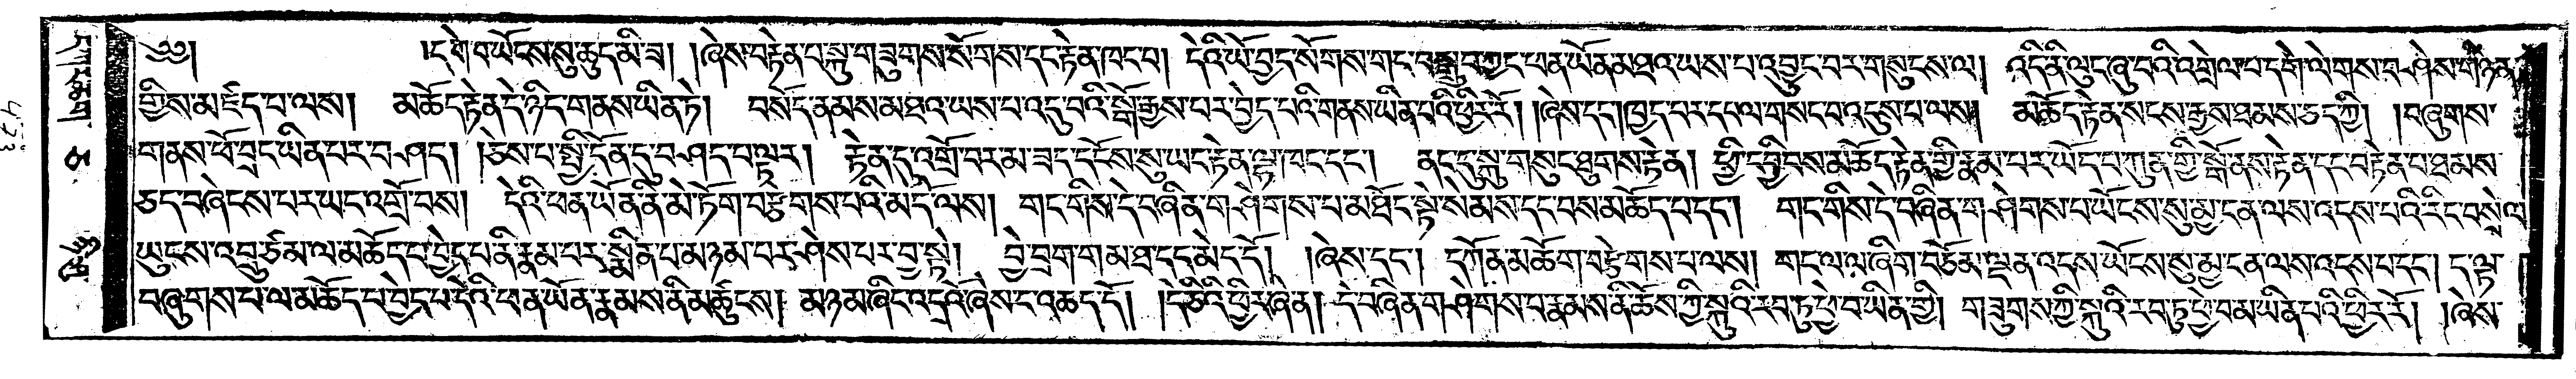༄༅། །དགེ་བ་ཡོངས་སུ་ཆུད་མི་ཟ། །ཞེས་བརྟེན་པ་སྐུ་གཟུགས་སོགས་དང་རྟེན་ཁང་པ། དེའི་ཡོ་བྱད་སོགས་གང་བསྒྲུབ་ཀྱང་ཕན་ཡོན་མཐའ་ཡས་པ་འབྱུང་བར་གསུངས་ལ། འདི་ནི་ལུང་ཞུ་བའི་འགྲེལ་པ་དགེ་ལེགས་བཤེས་གཉེན་
གྱིས་མཛད་པ་ལས། མཆོད་རྟེན་དེ་ཉིད་གནས་ཡིན་ཏེ། བསོད་ནམས་མཐའ་ཡས་པ་འདུ་བའི་སྒོ་རྒྱས་པར་བྱེད་པའི་གནས་ཡིན་པའི་ཕྱིར་རོ། །ཞེས་དང་། ཁྱད་བར་དཔལ་གསང་བ་འདུས་བ་ལས། མཆོད་རྟེན་སངས་རྒྱས་ཐམས་ཅད་ཀྱི། །བཞུགས་
གནས་ཕོ་བྲང་ཡིན་པར་བཤད། །ཅེས་པ་སྤྱི་དོན་དུ་བཤད་པ་ལྟར། རྟེན་དུ་འགྲོ་བར་མ་ཟད་དངོས་སུ་ཡང་རྟེན་ལྷ་ཁང་དང་། ནང་དུ་སྐུ་གསུང་ཐུགས་རྟེན། ཕྱི་དབྱིབས་མཆོད་རྟེན་གྱི་རྣམ་པར་ཡོད་པ་ཀུན་གྱི་སྒོ་ནས་རྟེན་དང་བརྟེན་པ་ཐམས་
ཅད་བཞེངས་པར་ཡང་འགྲོ་བས། དེའི་ཕན་ཡོན་ནི་མེ་ཏོག་བརྩེགས་བའི་མདོ་ལས། གང་གིས་དེ་བཞིན་གཤེགས་པ་མཐོང་སྟེ་སེམས་དང་བས་མཆོད་པ་དང་། གང་གིས་དེ་བཞིན་གཤེགས་པ་ཡོངས་སུ་མྱ་ངན་ལས་འདས་པའི་རིང་བསྲེལ་
ཡུངས་འབྲུ་ཙམ་ལ་མཆོད་པ་བྱེད་བ་ནི་རྣམ་པར་སྨིན་པ་མཉམ་པར་ཤེས་པར་བྱ་སྟེ། བྱེ་བྲག་གམ་ཐ་དད་མེད་དོ། །ཞེས་དང་། དཀོན་མཆོག་བརྩེགས་པ་ལས། གང་ལ་ལ་ཞིག་བཅོམ་ལྡན་འདས་ཡོངས་སུ་མྱ་ངན་ལས་འདས་པ་དང་། ད་ལྟ་།
བཞུགས་པ་ལ་མཆོད་པ་བྱེད་པ་དེའི་ཕན་ཡོན་རྣམས་ནི་མཚུངས། མཉམ་ཞིང་འདྲའོ་ཞེས་ང་འཆད་དོ། །དེ་ཅིའི་ཕྱིར་ཞེ་ན། དེ་བཞིན་གཤེགས་པ་རྣམས་ནི་ཆོས་ཀྱི་སྐུའི་རབ་ཏུ་ཕྱེ་བ་ཡིན་གྱི། གཟུགས་ཀྱི་སྐུའི་རབ་ཏུ་ཕྱེ་བ་མ་ཡིན་པའི་ཕྱིར་རོ། །ཞེས་